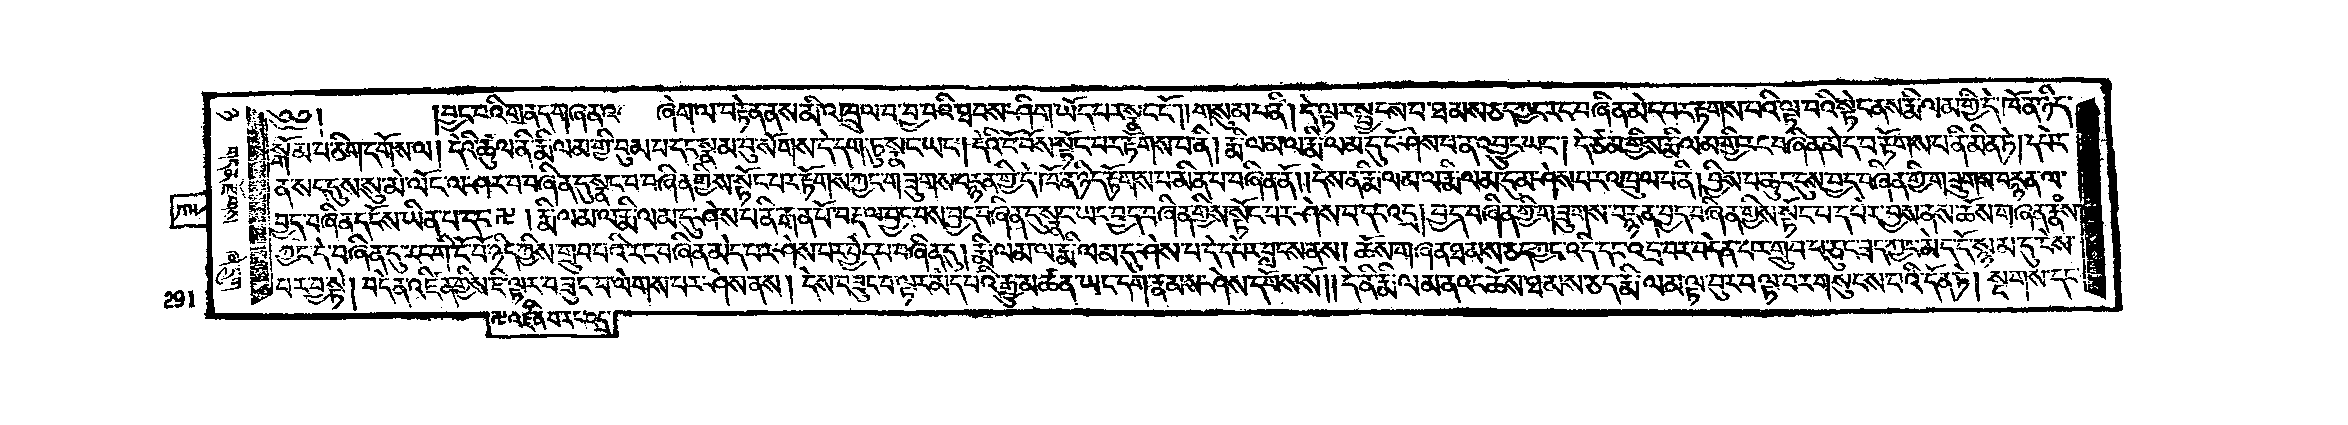༄༅། །བྱང་བའི་གནད་གཞན་འགའ་ཞིག་ལ་བརྟེན་ནས་མི་འཁྲུལ་བ་བྱ་བའི་ཐབས་ཤིག་ཡོད་པར་སྣང་ངོ། །གསུམ་པ་ནི། དེ་ལྟར་སྦྱངས་པ་ཐམས་ཅད་ཀྱང་རང་བཞིན་མེད་པར་རྟགས་པའི་ལྟ་བའི་སྟེང་ནས་རྨི་ལམ་གྱི་དེ་ཁོ་ན་ཉིད་
སྒོམ་པ་ཅིག་དགོས་ལ། དེའི་ཚུལ་ནི་རྨི་ལམ་གྱི་བུམ་པ་དང་སྣམ་བུ་སོགས་དེ་དག་ཏུ་སྣང་ཡང་། དེའི་ངོ་བོས་སྟོང་པར་རྟོགས་པ་ནི། རྨི་ལམ་ལ་རྨི་ལམ་དུ་ངོ་ཤེས་པ་ན་འབྱུང་ཡང་། དེ་ཙམ་གྱིས་རྨི་ལམ་གྱི་རང་བཞིན་མེད་པ་རྟོགས་པ་ནི་མིན་ཏེ། དཔེར་
ན་སད་དུས་སུ་མེ་ལོང་ལ་ཤར་བ་བཞིན་དུ་སྣང་བ་བཞིན་གྱིས་སྟོང་པར་རྟོགས་ཀྱང་གཟུགས་བརྙན་གྱི་དེ་ཁོ་ན་ཉིད་རྟོགས་པ་མིན་པ་བཞིན་ནོ། །དེས་ན་རྨི་ལམ་ལ་རྨི་ལམ་དུ་མ་ཤེས་པར་འཁྲུལ་བ་ནི། བྱིས་པ་ཆུང་ངུས་བྱད་བཞིན་གྱི་གཟུགས་བརྙན་ལ་
བྱད་བཞིན་དངོས་ཡིན་པ་དང་འཛིན་པ་དང་འདྲ། རྨི་ལམ་ལ་རྨི་ལམ་དུ་ཤེས་པ་ནི་རྒན་པོ་བརྡ་ལ་བྱད་པས་བྱད་བཞིན་དུ་སྣང་ཡང་བྱད་བཞིན་གྱིས་སྟོང་པར་ཤེས་པ་དང་འདྲ། བྱད་བཞིན་གྱི་གཟུགས་བརྙན་བྱད་བཞིན་གྱིས་སྟོང་པ་དཔེར་བྱས་ནས་ཆོས་གཞན་རྣམས་
ཀྱང་དེ་བཞིན་དུ་རང་གི་ངོ་བོ་ཉིད་ཀྱིས་གྲུབ་པའི་རང་བཞིན་མེད་པར་ཤེས་པར་བྱེད་པ་བཞིན་དུ། རྨི་ལམ་ལ་རྨི་ལམ་དུ་ཤེས་པ་དེ་དཔེར་བླངས་ནས། ཆོས་གཞན་ཐམས་ཅད་ཀྱང་འདི་དང་འདྲ་བར་བདེན་པར་གྲུབ་པ་ཅུང་ཟད་ཀྱང་མེད་དོ་སྙམ་དུ་ངེས་
པར་བྱ་སྟེ། བདེན་འཛིན་གྱིས་ཇི་ལྟར་བཟུང་བ་ལེགས་པར་ཤེས་ནས། དེས་བཟུང་བ་ལྟར་མེད་པའི་རྒྱུ་མཚན་ཡང་དག་རྣམས་ཤེས་དགོས་སོ། །དེ་ནི་རྨི་ལམ་ནའང་ཆོས་ཐམས་ཅད་རྨི་ལམ་ལྟ་བུར་བལྟ་བར་གསུངས་པའི་དོན་ཏེ། སྔགས་དང་